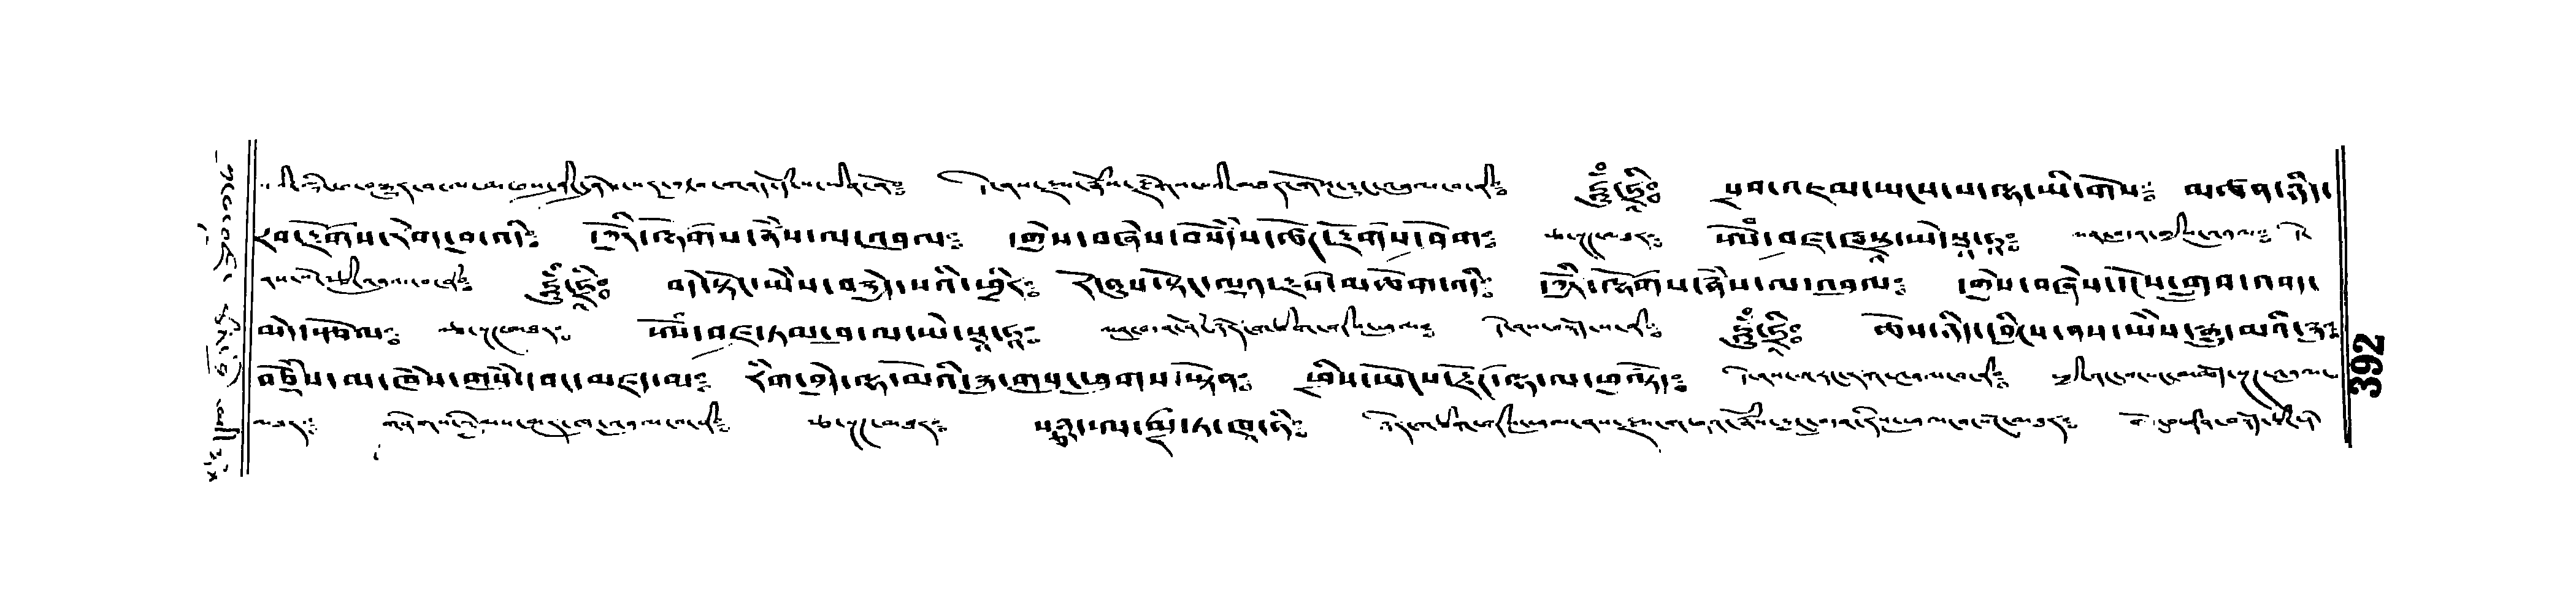པའི་ལྡེ་ཁ་བསྒྱུར་བ་ལ་མཁས་ཤིང་ཤེས་པར་བྱ་བ་གནད་དམ་པ་ཡིན་ནོ༔ དེ་ནས་རྫས་རྣམས་རྫོགས་པའི་མཐར་གོས་ཟུང་འབུལ་བ་ནི༔ ཧཱུྃ་ཧྲཱིཿ སྲབ་འཇམ་ཡངས་པ་ལྷ་ཡི་གོས༔ མཚན་ཉིད་
རབ་རྫོགས་རེག་བྱ་འདི༔ དཀྱིལ་འཁོར་ལྷ་ཚོགས་རྣམས་ལ་འབུལ༔ དགྱེས་བཞེས་བསོད་ནམས་ཚོགས་རྫོགས་ཤོག༔ རྩ་སྔགས་མཐར༔ ཨོཾ་བཛྲ་ཝཱསྟྲ་ཡེ་སྭཱ་ཧཱཿ ལན་བདུན་གྱིས་འབུལ༔ དེ་
ནས་སོ་རྩི་འབུལ་བ་ནི༔ ཧཱུྃ་ཧྲཱིཿ བདེ་སྟོང་ཡེ་ཤེས་བསྐྱེད་པའི་ཕྱིར༔ རོ་ནུས་སྟོང་ལྡན་རྫས་མཆོག་འདི༔ དཀྱིལ་འཁོར་ལྷ་ཚོགས་རྣམས་ལ་འབུལ༔དགྱེས་བཞེས་དངོས་གྲུབ་འབད་
མེད་སྩོལ༔ རྩ་སྔགས་མཐར༔ ཨོཾ་བཛྲ་ཏམ་བུ་ལ་ཡེ་སྭཱ་ཧཱཿ ལན་བདུན་ནམ་ཉེར་གཅིག་གིས་ཕུལ༔ དེ་ནས་བསྟོད་པ་ནི༔ ཧཱུྃ་ཧྲཱིཿ ཆོས་ཉིད་དབྱིངས་ནས་ཡེ་ཤེས་སྒྱུ་མའི་སྐུ༔ 
བཅོམ་ལྡན་འདས་མ་ཁམས་གསུམ་དབང་མཛད་མ༔ རིག་བྱེད་ལྷ་མོའི་སྐུ་གསུང་ཐུགས་ཡོན་ཏན༔ ཕྲིན་ལས་ཡོངས་རྫོགས་ལྷ་ལ་ཕྱག་འཚལ་བསྟོད༔ དེ་ནས་གཏང་རག་འབུལ་བ་ནི༔ ཕྱི་ནང་གསང་མཆོད་སྔགས་འབུལ་
མཐར༔ གཤེགས་སྐྱེམས་མར་ཁུ་འབུལ་བ་ནི༔ རྩ་སྔགས་མཐར༔ པཉྩ་ཨ་མྲྀ་ཏ་ཁཱ་ཧིཿ ཉེར་གཅིག་གིས་ཕུལ་ནས་རྫས་གཞན་རྣམས་ཀྱང་བདུན་རེས་ཕུལ་བ་སོགས་མཐར༔ གོང་བཞིན་བསྟོད་ཅིང་དེ་